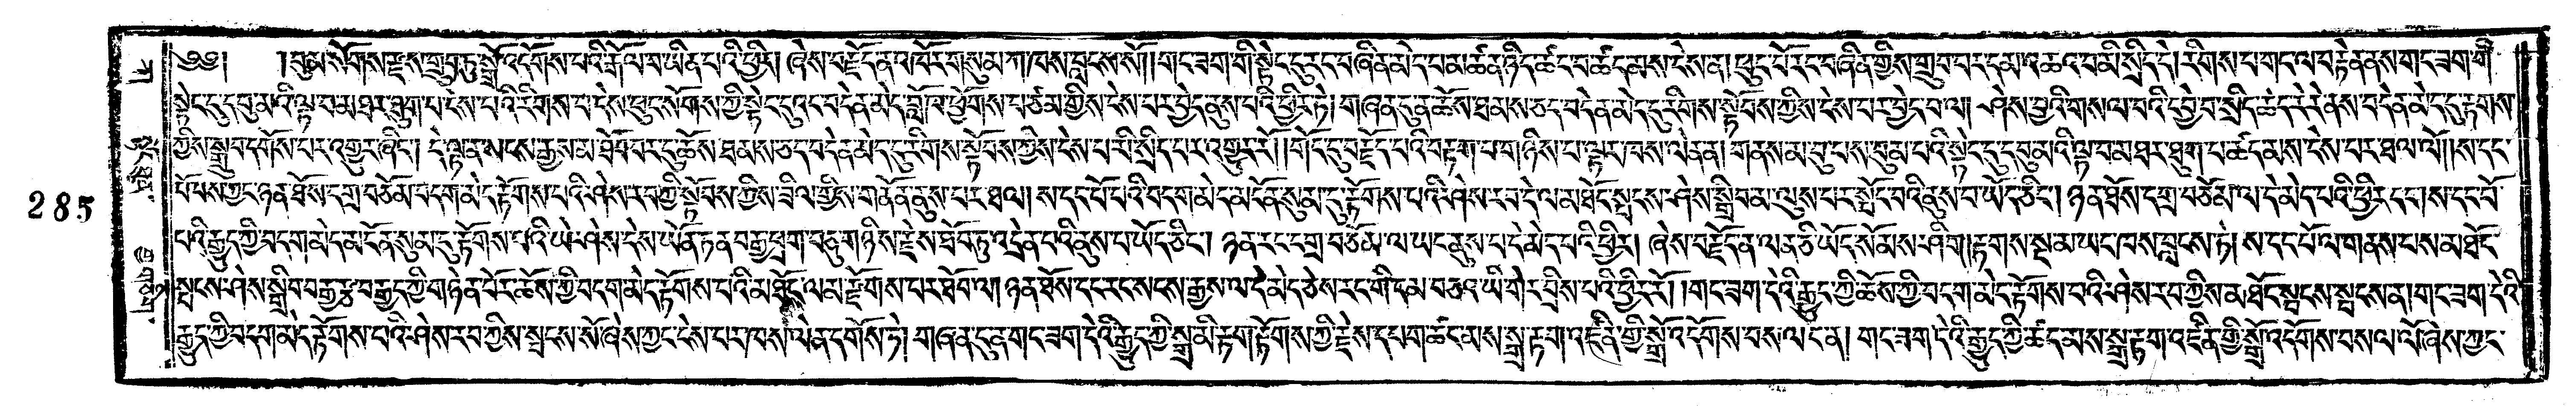༄༅། །བུམ་སོགས་རྫས་གྲུབ་ཏུ་སྒྲོ་འདོགས་པའི་རྒོལ་བ་ཡིན་པའི་ཕྱིར། ཞེས་བརྗོད་ན་འཁོར་གསུམ་ཀ་ཁས་བླངས་སོ། །གང་ཟག་གི་སྟེང་དུ་རང་བཞིན་མེད་པ་མཚན་ཉིད་ཚང་བ་ཚད་མས་ངེས་ན། ཕུང་པོ་རང་བཞིན་གྱིས་གྲུབ་པར་དམ་འཆའ་བ་མི་སྲིད་དེ། རིགས་པ་གང་ལ་བརྟེན་ནས་གང་ཟག་གི་
སྟེང་དུ་དབུ་མའི་ལྟ་བ་མཐར་ཐུག་པ་ངེས་པའི་རིགས་པ་དེས་ཕུང་སོགས་ཀྱི་སྟེང་དུའང་བདེན་མེད་བློ་ཁ་ཕྱོགས་པ་ཙམ་གྱིས་ངེས་པར་བྱེད་ནུས་པའི་ཕྱིར་ཏེ། གཞན་དུ་ན་ཆོས་ཐམས་ཅད་བདེན་མེད་དུ་རིགས་སྟོབས་ཀྱིས་ངེས་བར་བྱེད་པ་ལ། ཤེས་བྱའི་གསལ་བའི་དབྱེ་བ་སྲིད་ཆེད་རེ་རེ་ནས་བདེན་མེད་དུ་རྟགས་
ཀྱིས་སྒྲུབ་དགོས་པར་འགྱུར་ཞིང་། དེ་ལྟ་ན་སངས་རྒྱས་མ་ཐོབ་པར་དུ་ཆོས་ཐམས་ཅད་བདེན་མེད་དུ་རིགས་སྟོབས་ཀྱིས་ངེས་པ་མི་སྲིད་པར་འགྱུར་རོ། །གོང་དུ་བརྗོད་པའི་བརྟག་པ་གཉིས་པ་ལྟར་ཁས་ལེན་ན། གནས་མ་བུ་པས་བུམ་པའི་སྟེང་དུ་དབུ་མའི་ལྟ་བ་མཐར་ཐུག་པ་ཚད་མས་ངེས་བར་ཐལ་ལོ། །ས་དང་
པོ་བས་ཀྱང་ཉན་ཐོས་དགྲ་བཅོམ་བདག་མེད་རྟོགས་པའི་ཤེས་རབ་ཀྱི་སྟོབས་ཀྱིས་ཟིལ་གྱིས་གནོན་ནུས་པར་ཐལ། ས་དང་པོ་པའི་བདག་མེད་མངོན་སུམ་དུ་རྟོགས་པའི་ཤེས་རབ་དེ་ལ་མཐོང་སྤངས་ཤེས་སྒྲིབ་མ་ལུས་པར་སྤོང་བའི་ནུས་པ་ཡོད་ཅིང་། ཉན་ཐོས་དགྲ་བཅོམ་ལ་དེ་མེད་པའི་ཕྱིར་དང་། ས་དང་པོ་
པའི་རྒྱུད་ཀྱི་བདག་མེད་མངོན་སུམ་དུ་རྟོགས་པའི་ཡེ་ཤེས་དེས་ཡོན་ཏན་བརྒྱ་ཕྲག་བཅུ་གཉིས་རྗེས་ཐོབ་ཏུ་འདྲེན་པའི་ནུས་པ་ཡོད་ཅིང་། ཉན་རང་དགྲ་བཅོམ་ལ་ཡང་ནུས་པ་དེ་མེད་པའི་ཕྱིར། ཞེས་བརྗོད་ན་ལན་ཅི་ཡོད་སོམས་ཤིག །རྟགས་སྔ་མ་ཡང་ཁས་བླངས་ཏེ། ས་དང་པོ་ལ་གནས་པས་མཐོང་
སྤངས་ཤེས་སྒྲིབ་བརྒྱ་རྩ་བརྒྱད་ཀྱི་གཉེན་པོར་ཆོས་ཀྱི་བདག་མེད་རྟོགས་པའི་མཐོང་ལམ་རྫོགས་པར་ཐོབ་ལ། ཉན་ཐོས་དང་རང་སངས་རྒྱས་ལ་དེ་མེད་ཅེས་རང་གི་དམ་བཅའ་ཡི་གེར་བྲིས་པའི་ཕྱིར་རོ། །གང་ཟག་དེའི་རྒྱུད་ཀྱི་ཆོས་ཀྱི་བདག་མེད་རྟོགས་པའི་ཤེས་རབ་ཀྱིས་མཐོང་སྤངས་སྤངས་ན། གང་ཟག་དེའི་
རྒྱུད་ཀྱི་བདག་མེད་རྟོགས་པའི་ཤེས་རབ་ཀྱིས་སྤངས་སོ་ཞེས་ཀྱང་ངེས་པར་ཁས་ལེན་དགོས་ཏེ། གཞན་དུ་ན་གང་ཟག་དེའི་རྒྱུད་ཀྱི་སྒྲ་མི་རྟག་རྟོགས་ཀྱི་རྗེས་དཔག་ཚད་མས་སྒྲ་རྟག་འཛིན་གྱི་སྒྲོ་འདོགས་བསལ་ང་?་ན། གང་ཟག་དེའི་རྒྱུད་ཀྱི་ཚད་མས་སྒྲ་རྟག་འཛིན་གྱི་སྒྲོ་འདོགས་བསལ་ལོ་ཞེས་ཀྱང་